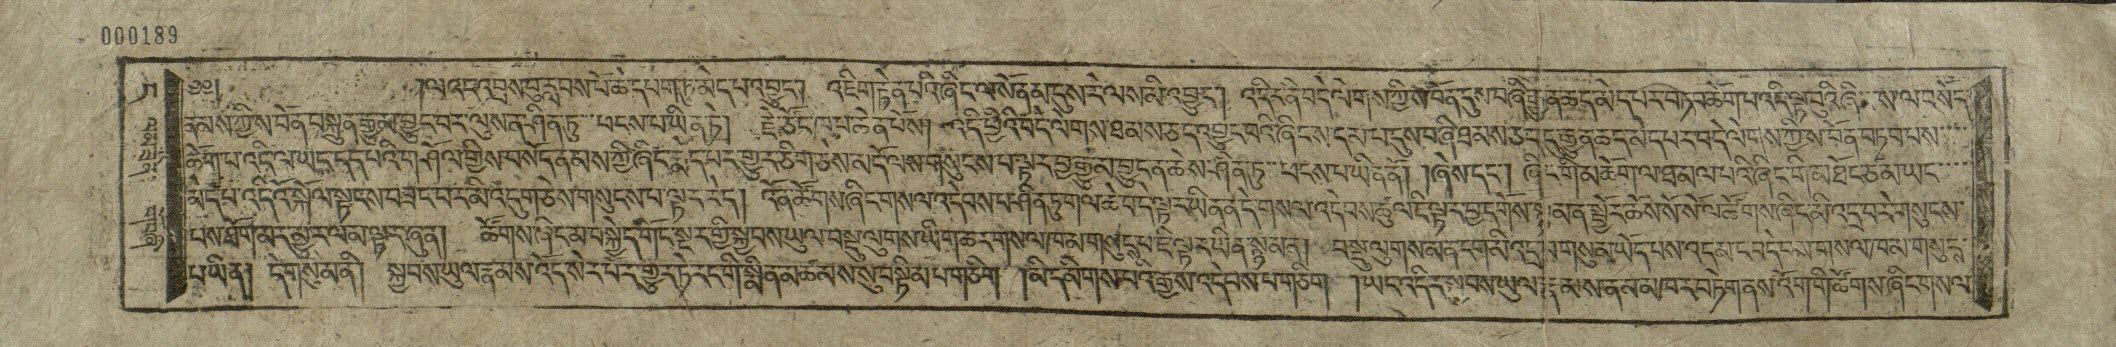༄༅། །ལའང་འབྲས་བུ་རླབས་པོ་ཆེ་དཔག་ཏུ་མེད་པ་འབྱུང་། འཇིག་རྟེན་པའི་ཞིང་ལ་སོ་ནམ་དུས་རེ་ལས་མི་འབྱུང་། འདིར་ནི་བདེ་ལེགས་ཀྱི་ས་བོན་དུས་བཞི་རྒྱུན་ཆད་མེད་པར་བཏབ་ཆོག་པ་འདི་ལྟ་བུའི་ཞིང་ས་ལ་བསོད་
ནམས་ཀྱི་ས་བོན་བསྐྲུན་རྒྱུ་མ་བྱུང་བར་ལུས་ན་ཤིན་ཏུ་ཕངས་པ་ཡིན་ཏེ། རྗེ་ཙོང་ཁ་པ་ཆེན་པོས། འདི་ཕྱིའི་བདེ་ལེགས་ཐམས་ཅད་འབྱུང་བའི་ཞིང་ས་དམ་པ་དུས་བཞི་ཐམས་ཅད་དུ་རྒྱུན་ཆད་མེད་པར་བདེ་ལེགས་ཀྱི་ས་བོན་བཏབ་པས་
ཆོག་པ་འདི་ལ་ཡང་དད་པའི་གཤོལ་གྱིས་བསོད་ནམས་ཀྱི་ཞིང་རྨེད་པར་གྱུར་ཅིག་ཅེས་མདོ་ལས་གསུངས་པ་ལྟར་བྱ་རྒྱུ་མ་བྱུང་ན་ཆེས་ཤིན་ཏུ་ཕངས་པ་ཡིན་ནོ། །ཞེས་དང་། ཞིང་གི་མཆོག་ལ་ཐ་མལ་པའི་ཞིང་གི་མཐོང་ཙམ་ཡང་
མེད་པ་འདིའོ་སྐོལ་སྟངས་བཟང་བར་མི་འདུག་ཅེས་གསུངས་པ་ལྟར་རེད། འོ་ན་ཚོགས་ཞིང་གསལ་འདེབས་པ་ཤིན་ཏུ་གལ་ཆེ་བ་དེ་ལྟར་ཡིན་ན་དེ་གསལ་འདེབས་ཚུལ་ཇི་ལྟར་བྱ་དགོས་སྙམ་ན་སྦྱོར་ཆོས་སོ་སོ་ལ་ཚོགས་ཞིང་མི་འདྲ་བ་རེ་གསུངས་
པས་ཐོག་མར་མྱུར་ལམ་ལྟར་ཞུ་ན། ཚོགས་ཞིང་མ་བསྐྱེད་གོང་སྔར་གྱི་སྐྱབས་ཡུལ་བསྡུ་ལུགས་ཡིག་ཆར་གསལ་ཁ་མ་གསུངས་པ་ཇི་ལྟར་ཡིན་སྙམ་ན། བསྡུ་ལུགས་མན་ངག་མི་འདྲ་བ་གསུམ་ཡོད་པས་འདམ་ང་བདེ་བས་གསལ་ཁ་མ་གསུངས་
པ་ཡིན། དེ་གསུམ་ནི། སྐྱབས་ཡུལ་རྣམས་འོད་སེར་པོར་གྱུར་ཏེ་རང་གི་སྨིན་མཚམས་སུ་བསྟིམ་པ་གཅིག །མི་དམིགས་པའི་རྒྱས་འདེབས་པ་གཅིག །ཡང་འདིར་སྐྱབས་ཡུལ་རྣམས་ནམ་མཁར་བཏེག་ནས་འོག་གི་ཚོགས་ཞིང་གསལ་